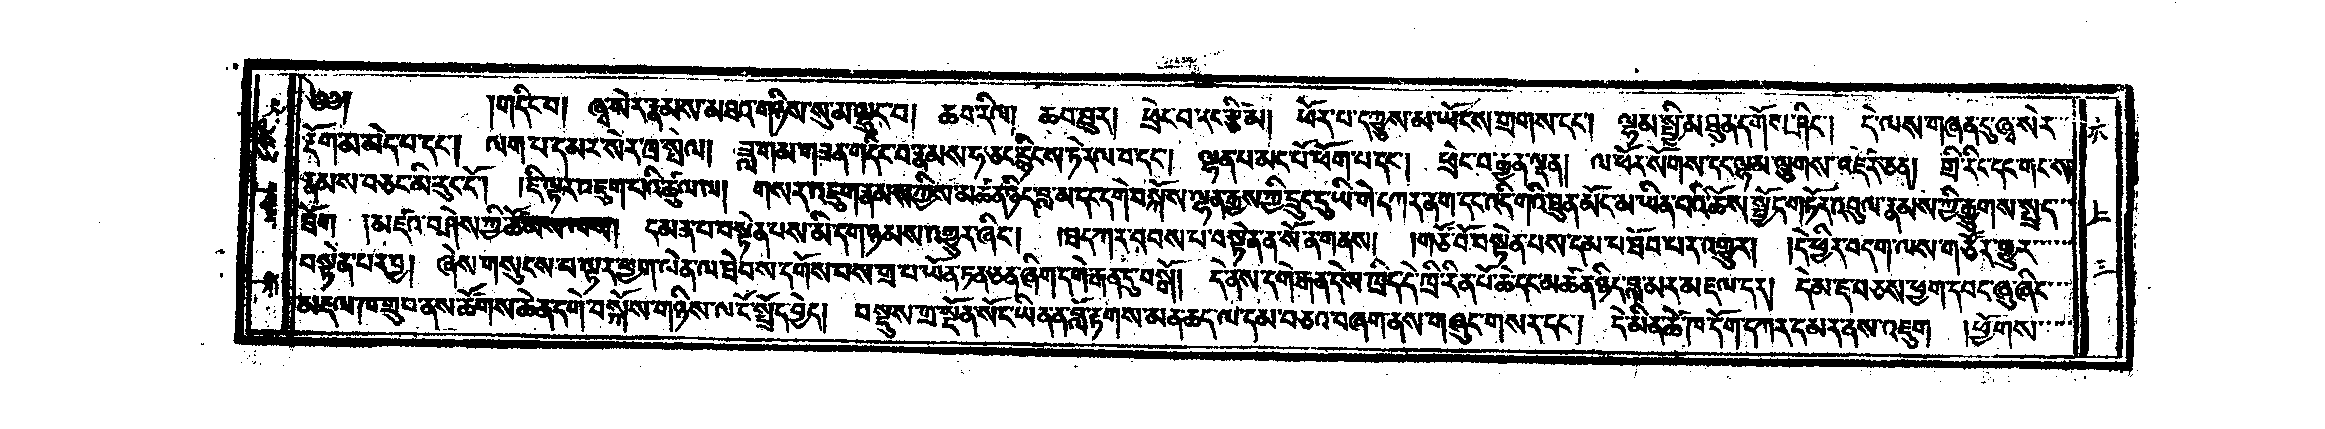༄༅། །གདིང་བ། ཞྭ་སེར་རྣམས་མཐའ་གཉིས་སུ་མ་ལྷུང་བ། ཆབ་རིལ། ཆབ་ཐུར། ཕྲེང་བ་རང་རྩི་མ། ཕོར་པ་དཀྱུས་མ་ཡོངས་གྲགས་དང་། ལྷམ་སྤྱི་མཐུན་དགོས་ཤིང་། དེ་ལས་གཞན་དུ་ཞྭ་སེར་
རྡོག་མ་མེད་པ་དང་། ལག་པ་དམར་སེར་ཁྲ་སྤེལ། ཟླ་གམ་གཟན་གདིང་བ་རྣམས་ཧ་ཅང་རྙིངས་ཏེ་རལ་བ་དང་། ལྷན་པ་མང་པོ་ཕོག་པ་དང་། ཕྲེང་བ་རྒྱན་ལྡན། ལ་ཕོར་སོགས་དང་ལྷམ་ལྕགས་འཛེར་ཅན། གྲི་རིང་དང་གང་ས་
རྣམས་བཅང་མི་རུང་ངོ། །ཇི་ལྟར་འཇུག་པའི་ཚུལ་ལ། གསར་འཇུག་རྣམས་ཀྱིས་མཚན་ཉིད་བླ་མ་དང་དགེ་བསྐོས་ལྷན་རྒྱས་ཀྱི་དྲུང་དུ་ཡི་གེ་དཀར་ནག་དང་འདི་གའི་ཐུན་མོང་མ་ཡིན་པའི་ཆོས་སྤྱོད་གཏོར་འབུལ་རྣམས་ཀྱི་རྒྱུགས་སྤྲད་
ཐོག །མཛའ་བཤེས་ཀྱི་ཚོམས་ལས། དམན་པ་བསྟེན་པས་མི་དག་ཉམས་འགྱུར་ཞིང་། །ཐད་ཀར་བབས་པ་བསྟེན་ན་སོ་ན་གནས། །གཙོ་བོ་བསྟེན་པས་དམ་པ་ཐོབ་པར་འགྱུར། །དེ་ཕྱིར་བདག་ལས་གཙོར་གྱུར་
བསྟེན་པར་བྱ། ཞེས་གསུངས་པ་ལྟར་ཕྱག་ལེན་ལ་ཐེབས་དགོས་པས་གྲ་པ་ཡོན་ཏན་ཅན་ཞིག་དགེ་རྒན་དུ་བསྒོ། དེ་ནས་དགེ་རྒན་དེས་ཁྲིད་དེ་ཁྲི་རིན་པོ་ཆེ་དང་མཚན་ཉིད་བླ་མར་མཇལ་དར། དེ་མ་ཇ་བཅས་ཕྱག་དབང་ཞུ་ཞིང་
མཇལ་ཁ་གྲུབ་ནས་ཚོགས་ཆེན་དགེ་བསྐོས་གཉིས་ལ་ངོ་སྤྲོད་བྱེད། བསྡུས་གྲ་སྔོན་སོང་ཡིན་ན་བློ་རྟགས་མན་ཆད་ལ་དམ་བཅའ་བཞག་ནས་གཞུང་གསར་དང་། དེ་མིན་ཚེ་ཁ་དོག་དཀར་དམར་ནས་འཇུག །ཕྱོགས་